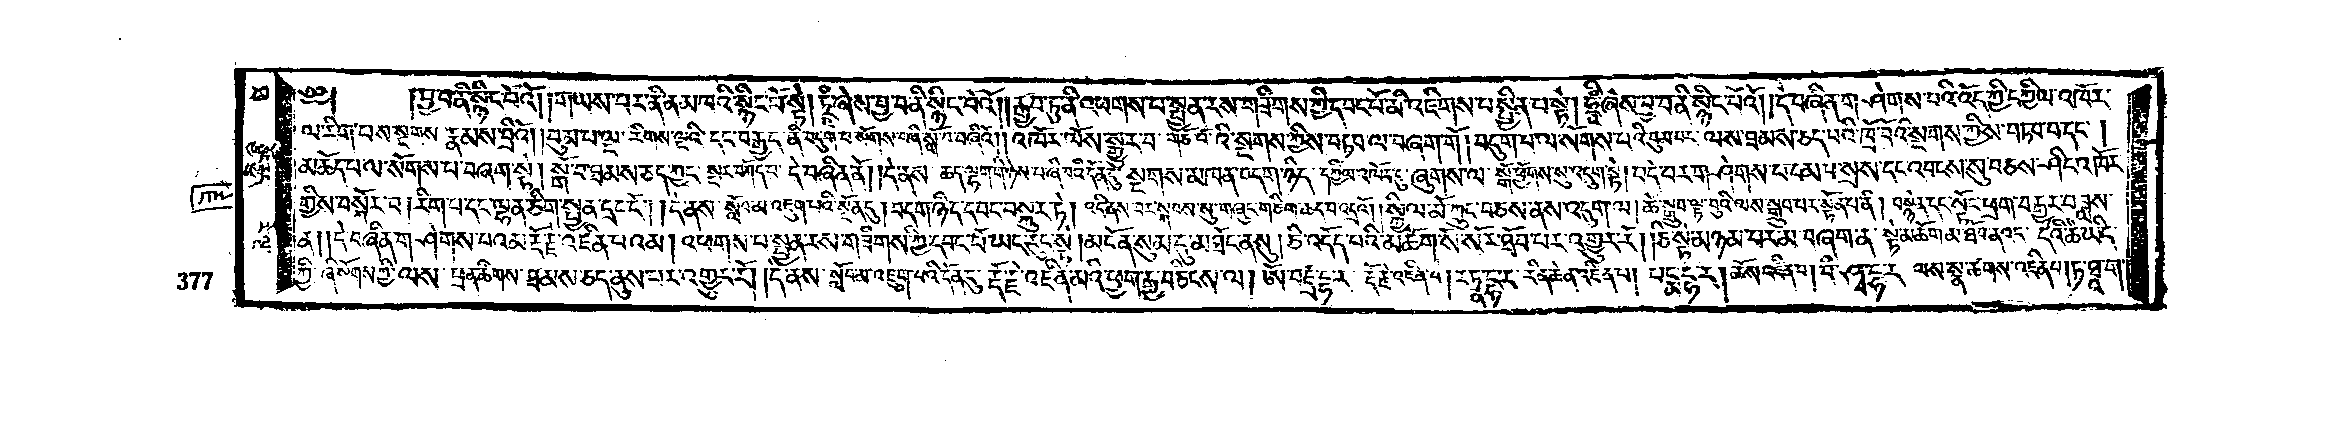༄༅། །བྱ་བ་ནི་སྙིང་པོའོ། །གཡས་པར་ནི་ནམ་མཁའི་སྙིང་པོ་སྟེ། ཏྲཱཾ་ཞེས་བྱ་བ་ནི་སྙིང་པོའོ། །རྒྱབ་ཏུ་ནི་འཕགས་པ་སྤྱན་རས་གཟིགས་ཀྱི་དབང་པོ་མི་འཇིགས་པ་སྦྱིན་པ་སྟེ། ཧྲཱིཾ་ཞེས་བྱ་བ་ནི་སྙིང་པོའོ། །དེ་བཞིན་གཤེགས་པའི་འོད་ཀྱི་དཀྱིལ་འཁོར་
ལ་རིག་པས་སྔགས་རྣམས་བྲིའོ། །བུམ་པ་ལྔ་རིགས་ལྔའི་དང་བརྒྱད་ན་བདུག་པ་སོགས་བཞི་སྒོ་བ་བཞིའོ། །འཁོར་ལོས་སྒྱུར་བ་གཙོ་བོའི་སྔགས་ཀྱིས་བཏབ་ལ་བཞག་གོ །བདུག་པ་ལ་སོགས་པའི་བུམ་པར་ལས་ཐམས་ཅད་པའི་ཁྲོ་བོའི་སྔགས་ཀྱིས་བཏབ་པ་དང་།
མཆོད་པ་ལ་སོགས་པ་བཞག་སྟེ། སྒོ་བ་ཐམས་ཅད་ཀྱང་སྔར་བཀོད་པ་དེ་བཞིན་ནོ། །དེ་ནས་ཆད་ལྷག་གི་ཉེས་པ་ཞི་བའི་དོན་དུ་སྔགས་མཁན་བདག་ཉིད་དཀྱིལ་འཁོར་དུ་ཞུགས་ལ་སྒོ་ཕྱོགས་སུ་འདུག་སྟེ། བདེ་བར་གཤེགས་པ་དམ་པ་སྲས་དང་འབངས་སུ་བཅས་ཤིང་འཁོར་
གྱིས་བསྐོར་བ། རིག་པ་དང་ལྷན་ཅིག་སྤྱན་དྲང་ངོ། །དེ་ནས་སློབ་མ་འཇུག་པའི་སྔོན་དུ། བདག་ཉིད་དབང་བསྐུར་ཏེ། འདི་ནས་བར་སྐབས་སུ་གཞུང་གཅིག་ཆད་པ་འདྲའོ། །སྐྱིལ་མོ་ཀྲུང་བཅས་ནས་འདུག་ལ། ཆོ་སྒྲུབ་ལྟ་བུའི་ལས་སྒྲུབ་པར་སྟོན་པ་ནི། བསྙེན་དང་སྟོང་ཕྲག་བརྒྱར་བཟླས་
ན། །དེ་བཞིན་གཤེགས་པའམ་རྡོ་རྗེ་འཛིན་པའམ། འཕགས་པ་སྤྱན་རས་གཟིགས་ཀྱི་དབང་པོ་ཡང་རུང་སྟེ། མངོན་སུམ་དུ་མཐོང་ནས་སུ། ཅི་འདོད་པའི་མཆོག་སོ་སོར་ཐོབ་པར་འགྱུར་རོ། །ཅི་སྟེ་མཉམ་པར་མ་བཞག་ན་སྟེ་མཆོག་མ་ཐོབ་ནའང་དེའི་ཚེ་ཡིད་
ཀྱི་ཞི་སོགས་ཀྱི་ལས་ཕྲན་ཚོགས་ཐམས་ཅད་ནུས་པར་འགྱུར་རོ། །དེ་ནས་སློབ་མ་འཇུག་པའི་དོན་དུ་རྡོ་རྗེ་འཛིན་མའི་ཕྱག་རྒྱ་བཅིངས་ལ། ཨོཾ་བཛྲ་དྷ་ར་རྡོ་རྗེ་འཛིན་པ། རཏྣ་དྷ་ར་རིན་ཆེན་འཛིན་པ། པདམ་དྷ་ར། ཆས་འཛིན་པ། བི་ཤྭ་དྷ་ར་ལས་སྣ་ཚོགས་འཛིན་པ། ཏ་ཐཱ་ག་